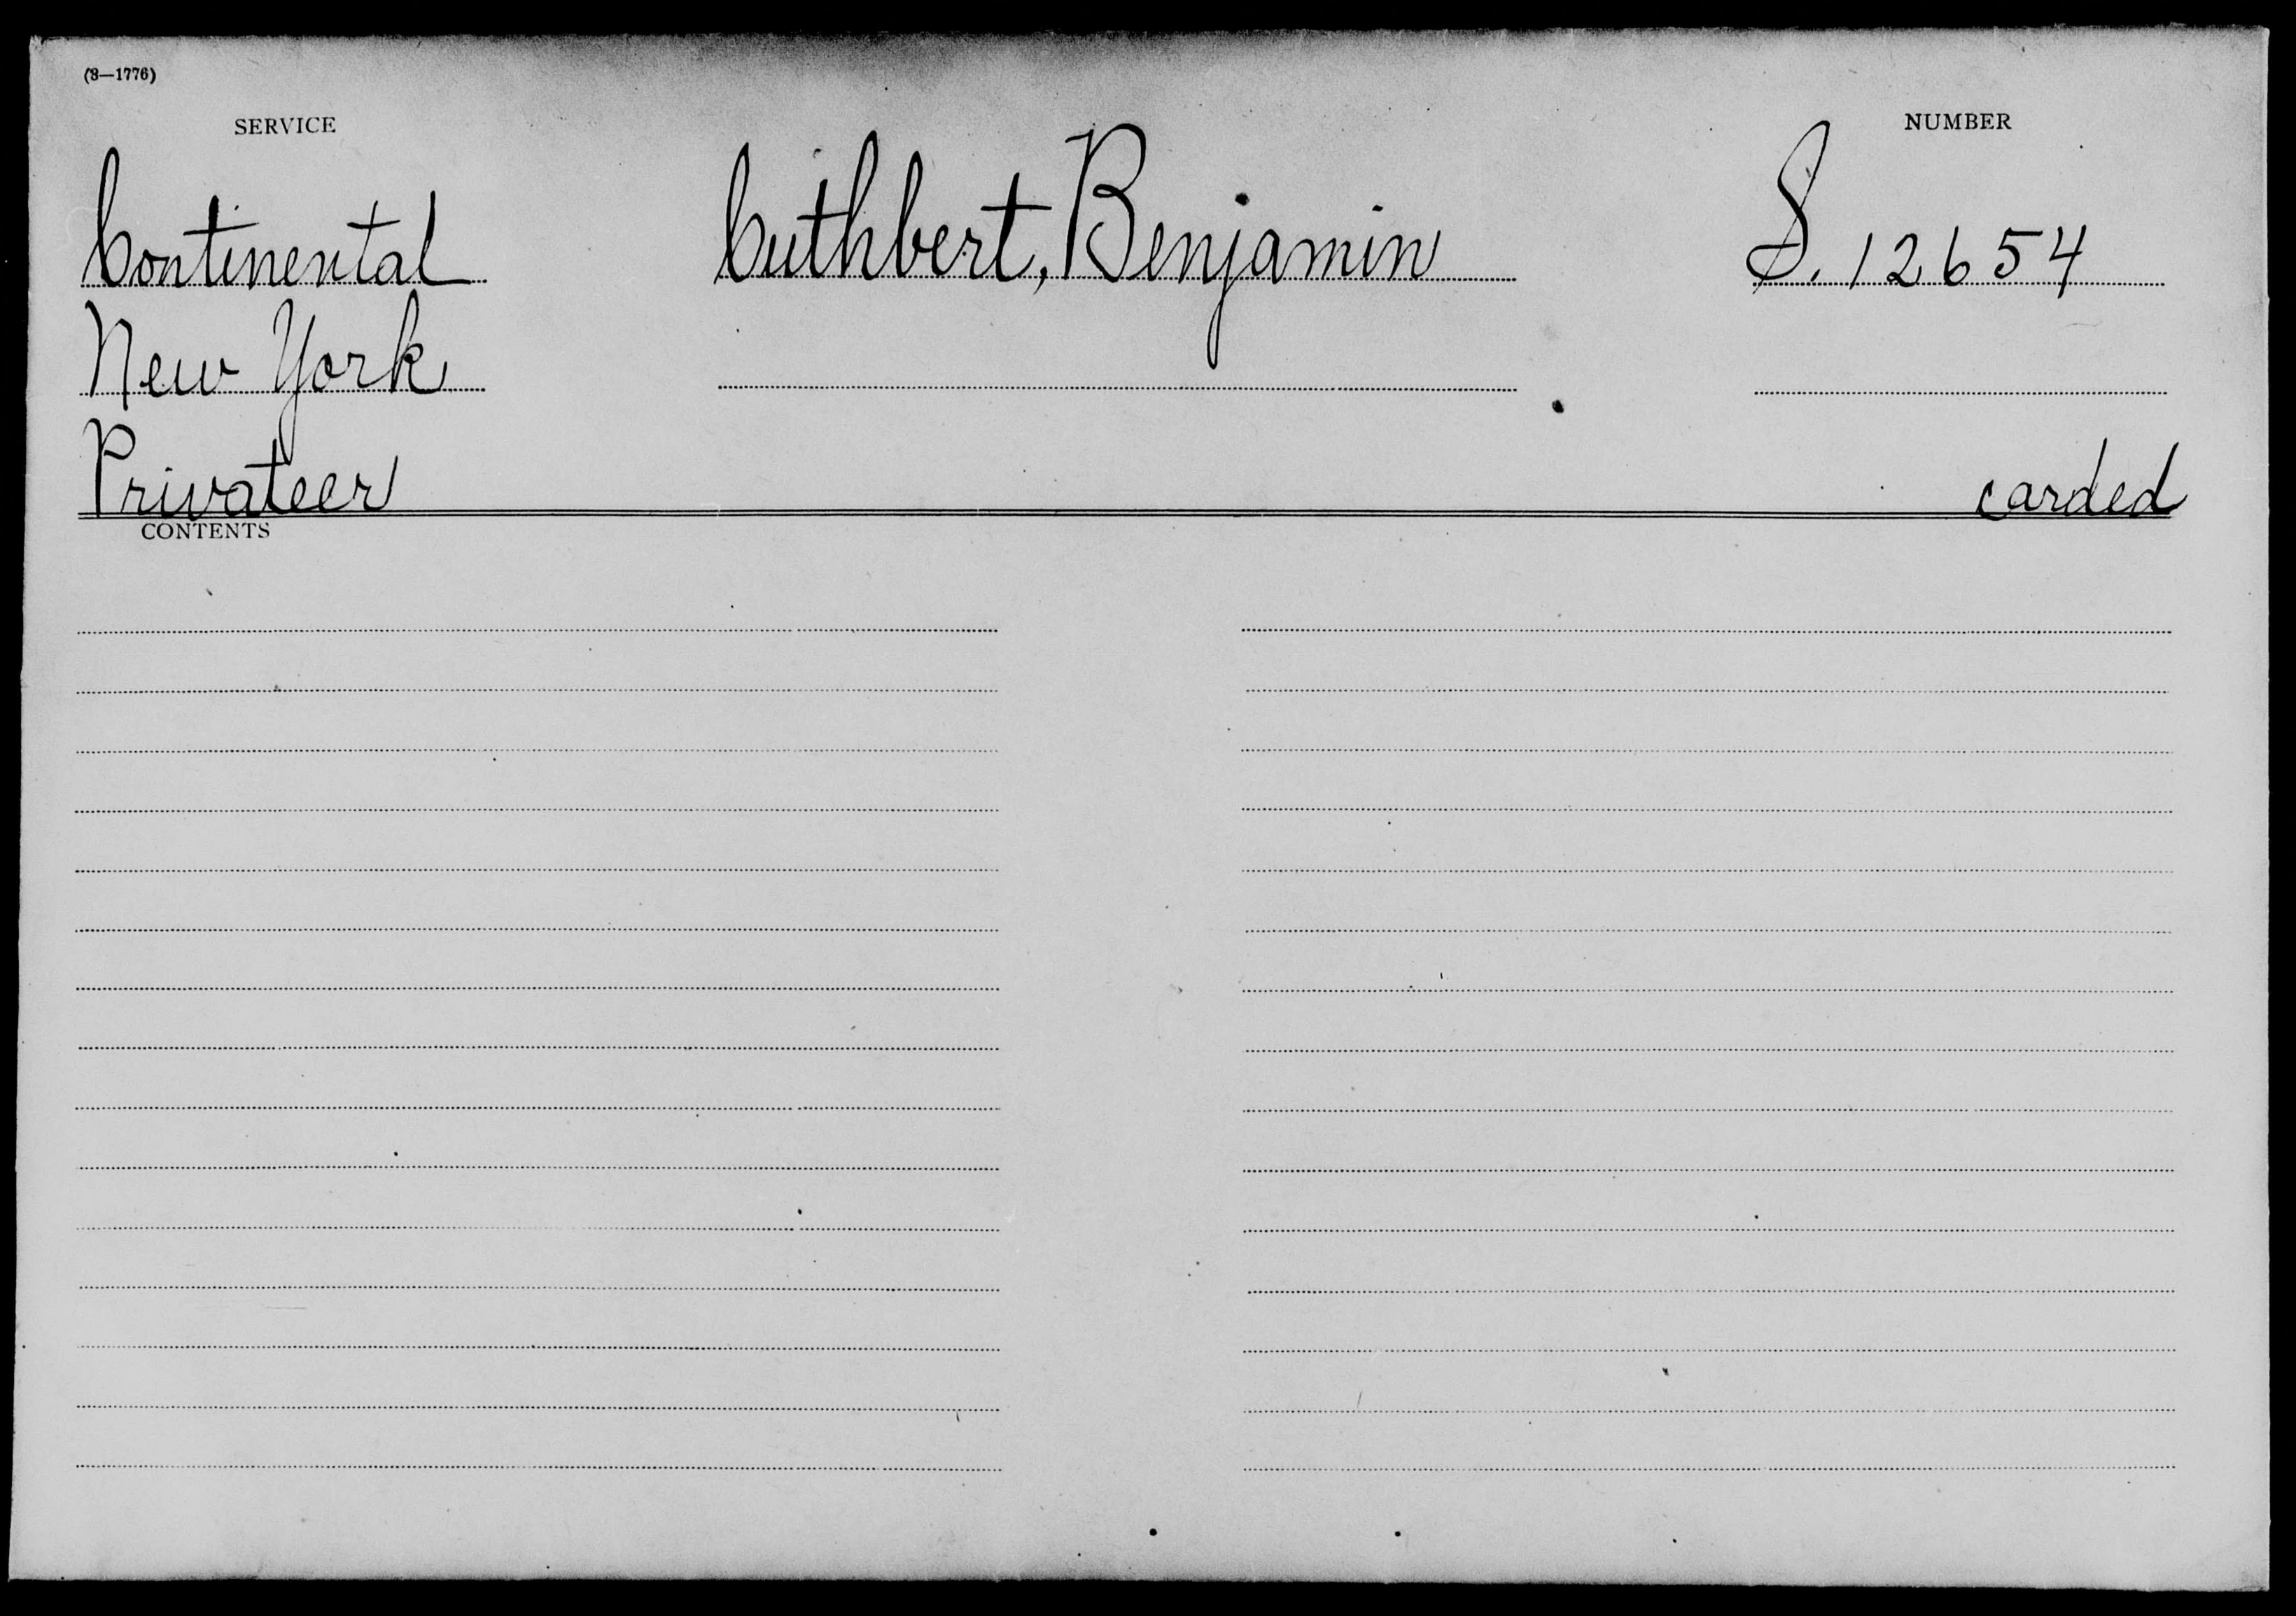(3 - 1776)
SERVICE  
Continental
New York
Privateer
Cuthbert, Benjamin
NUMBER
S. 12654
carded
CONTENTS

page: 1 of 41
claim: survivor's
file: S. 12654, Benjamin Cuthbert, Continental New York Privateer